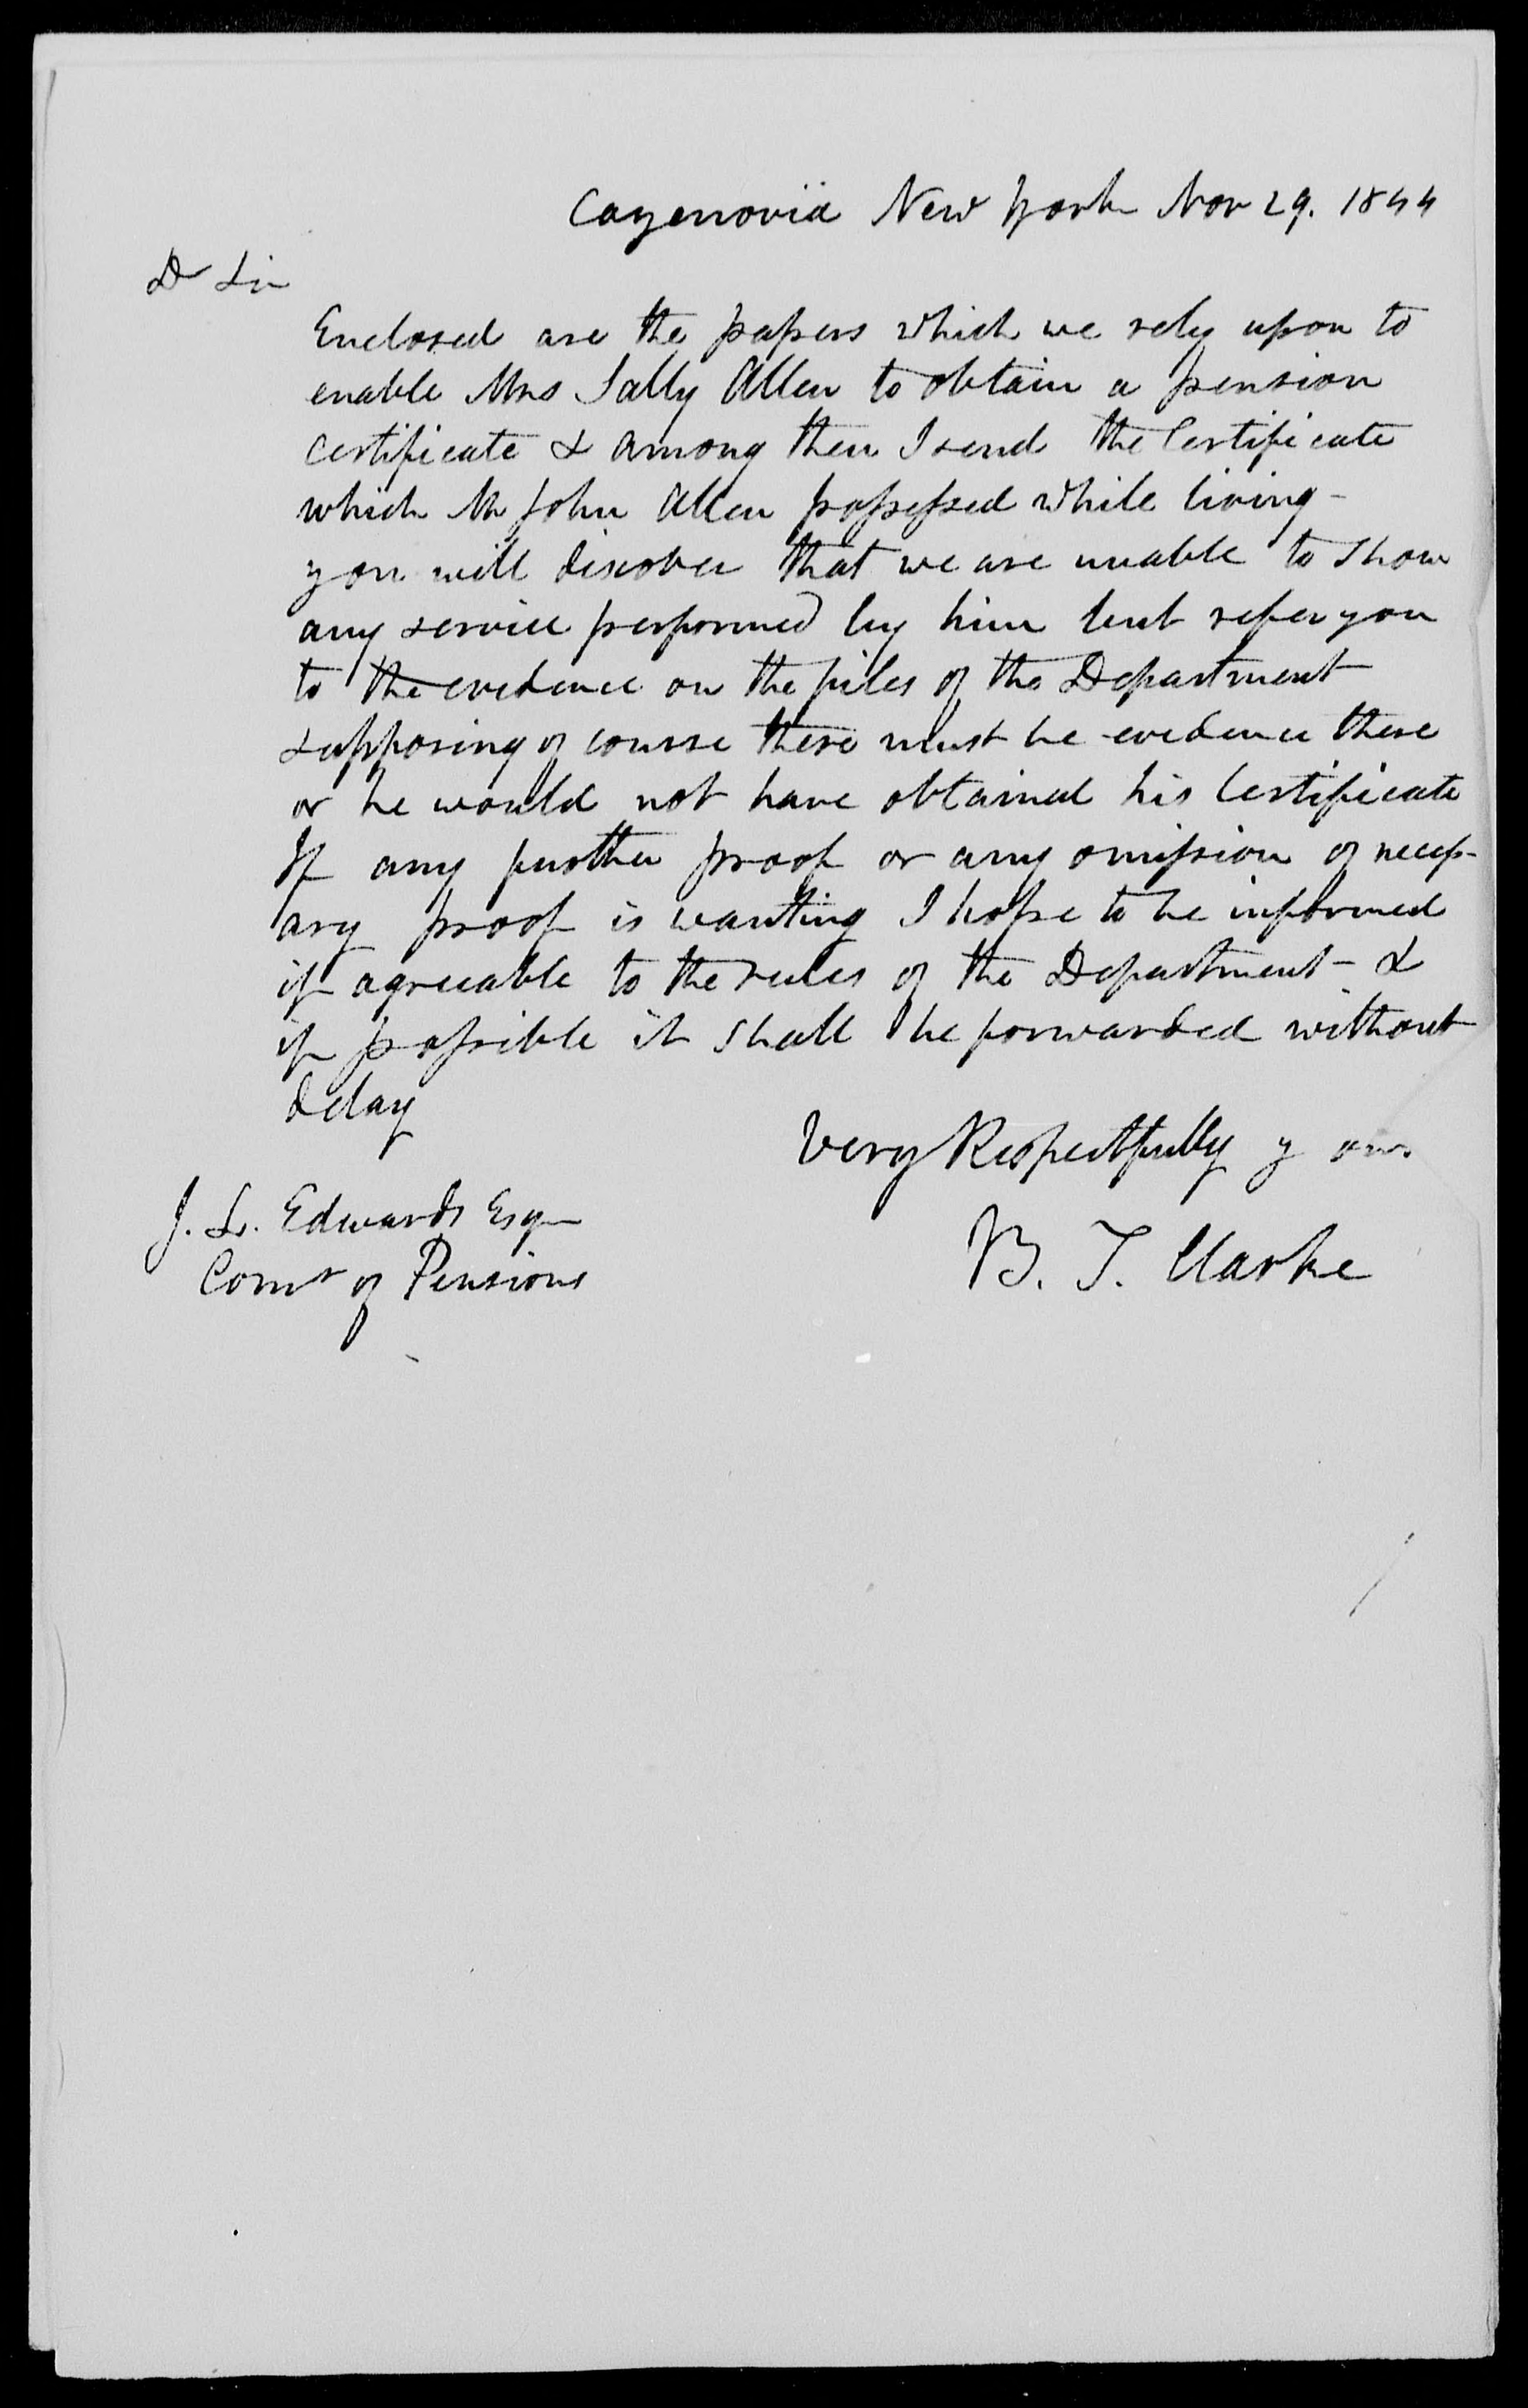Cazenovia New York Nov 29. 1844 
D Sir
Enclosed are the papers which we rely upon to enable Mrs Sally Allen to obtain a pension certificate & among them I send the certificate which Mr John Allen possessed while living - you will discover that we are unable to show any service performed by him but refer you to the evidence on the files of the Department supposing of course there must be evidence there or he would not have obtained his certificate If any further proof or any omission of necessary proof is wanting I hope to be informed if agreeable to the rules of the Department - & if possible it shall be forwarded without delay
 Very Respectfully yours 
B. T. Clarke
J.L. Edwards Esq
Comr of Pensions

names: J L Edwards, B T Clarke, Sally Allen, John Allen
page: 58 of 74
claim: widow's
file: W. 23424, John Allen, Mass. R. I.